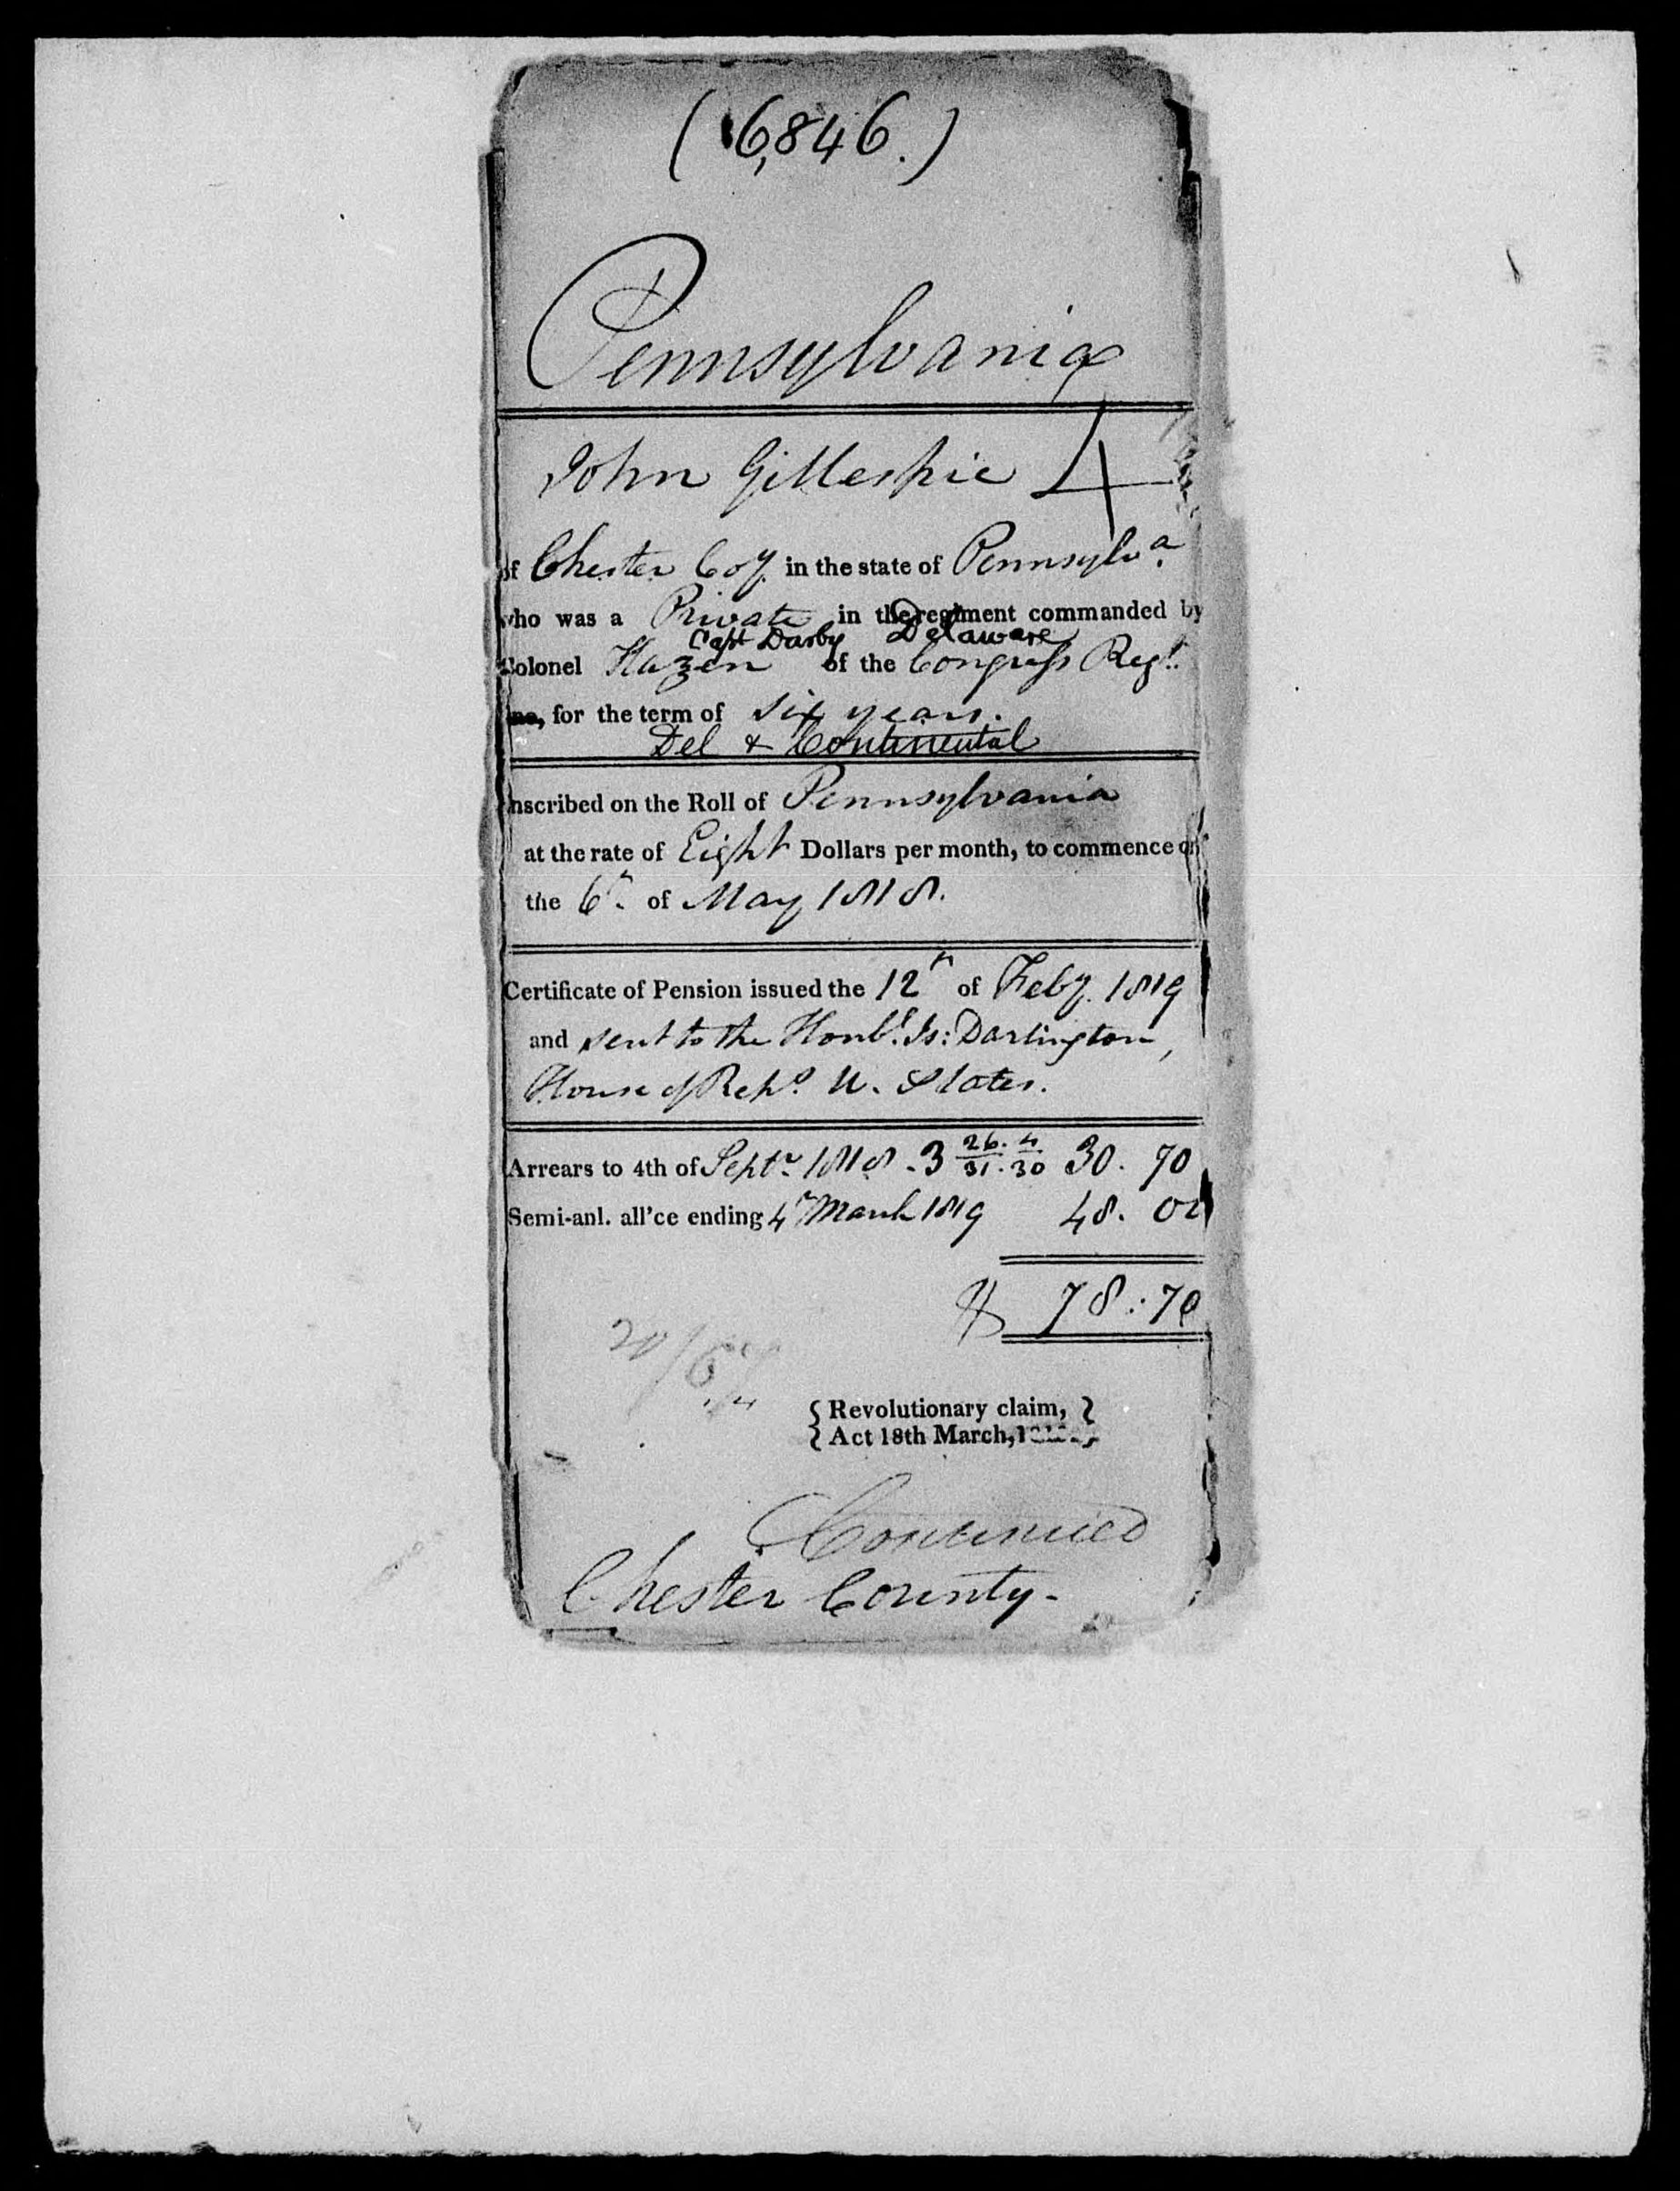($6,846)
Pennsylvania
John Gillespie of Chester Coy. in the state of Pennsylvania
who was a Private in the regiment commanded by Colonel Hazen Capt. Darby of the Delaware Congress Regt. of the term of six years. Del & Continental inscribed on the Roll of Pennsylvania at the rate of Eight Dollars per month, to commence on the 6th of May [illegible].
Certificate of Pension issued the 12th of Feby. 1819 and sent to the Honorables: Darlington, House of [illegible] W. Slater.
Arrears to 4th of Septr. 30.70
Semi-ani. all'ce ending 4 March 1819 40.00
$78.70

Revolutionary claim, Act 18th March
Continued
Chester County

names: John Gillespie, Darby, Hazen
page: 2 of 20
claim: survivor's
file: S. 41581, John Gillespie, Continental Del.